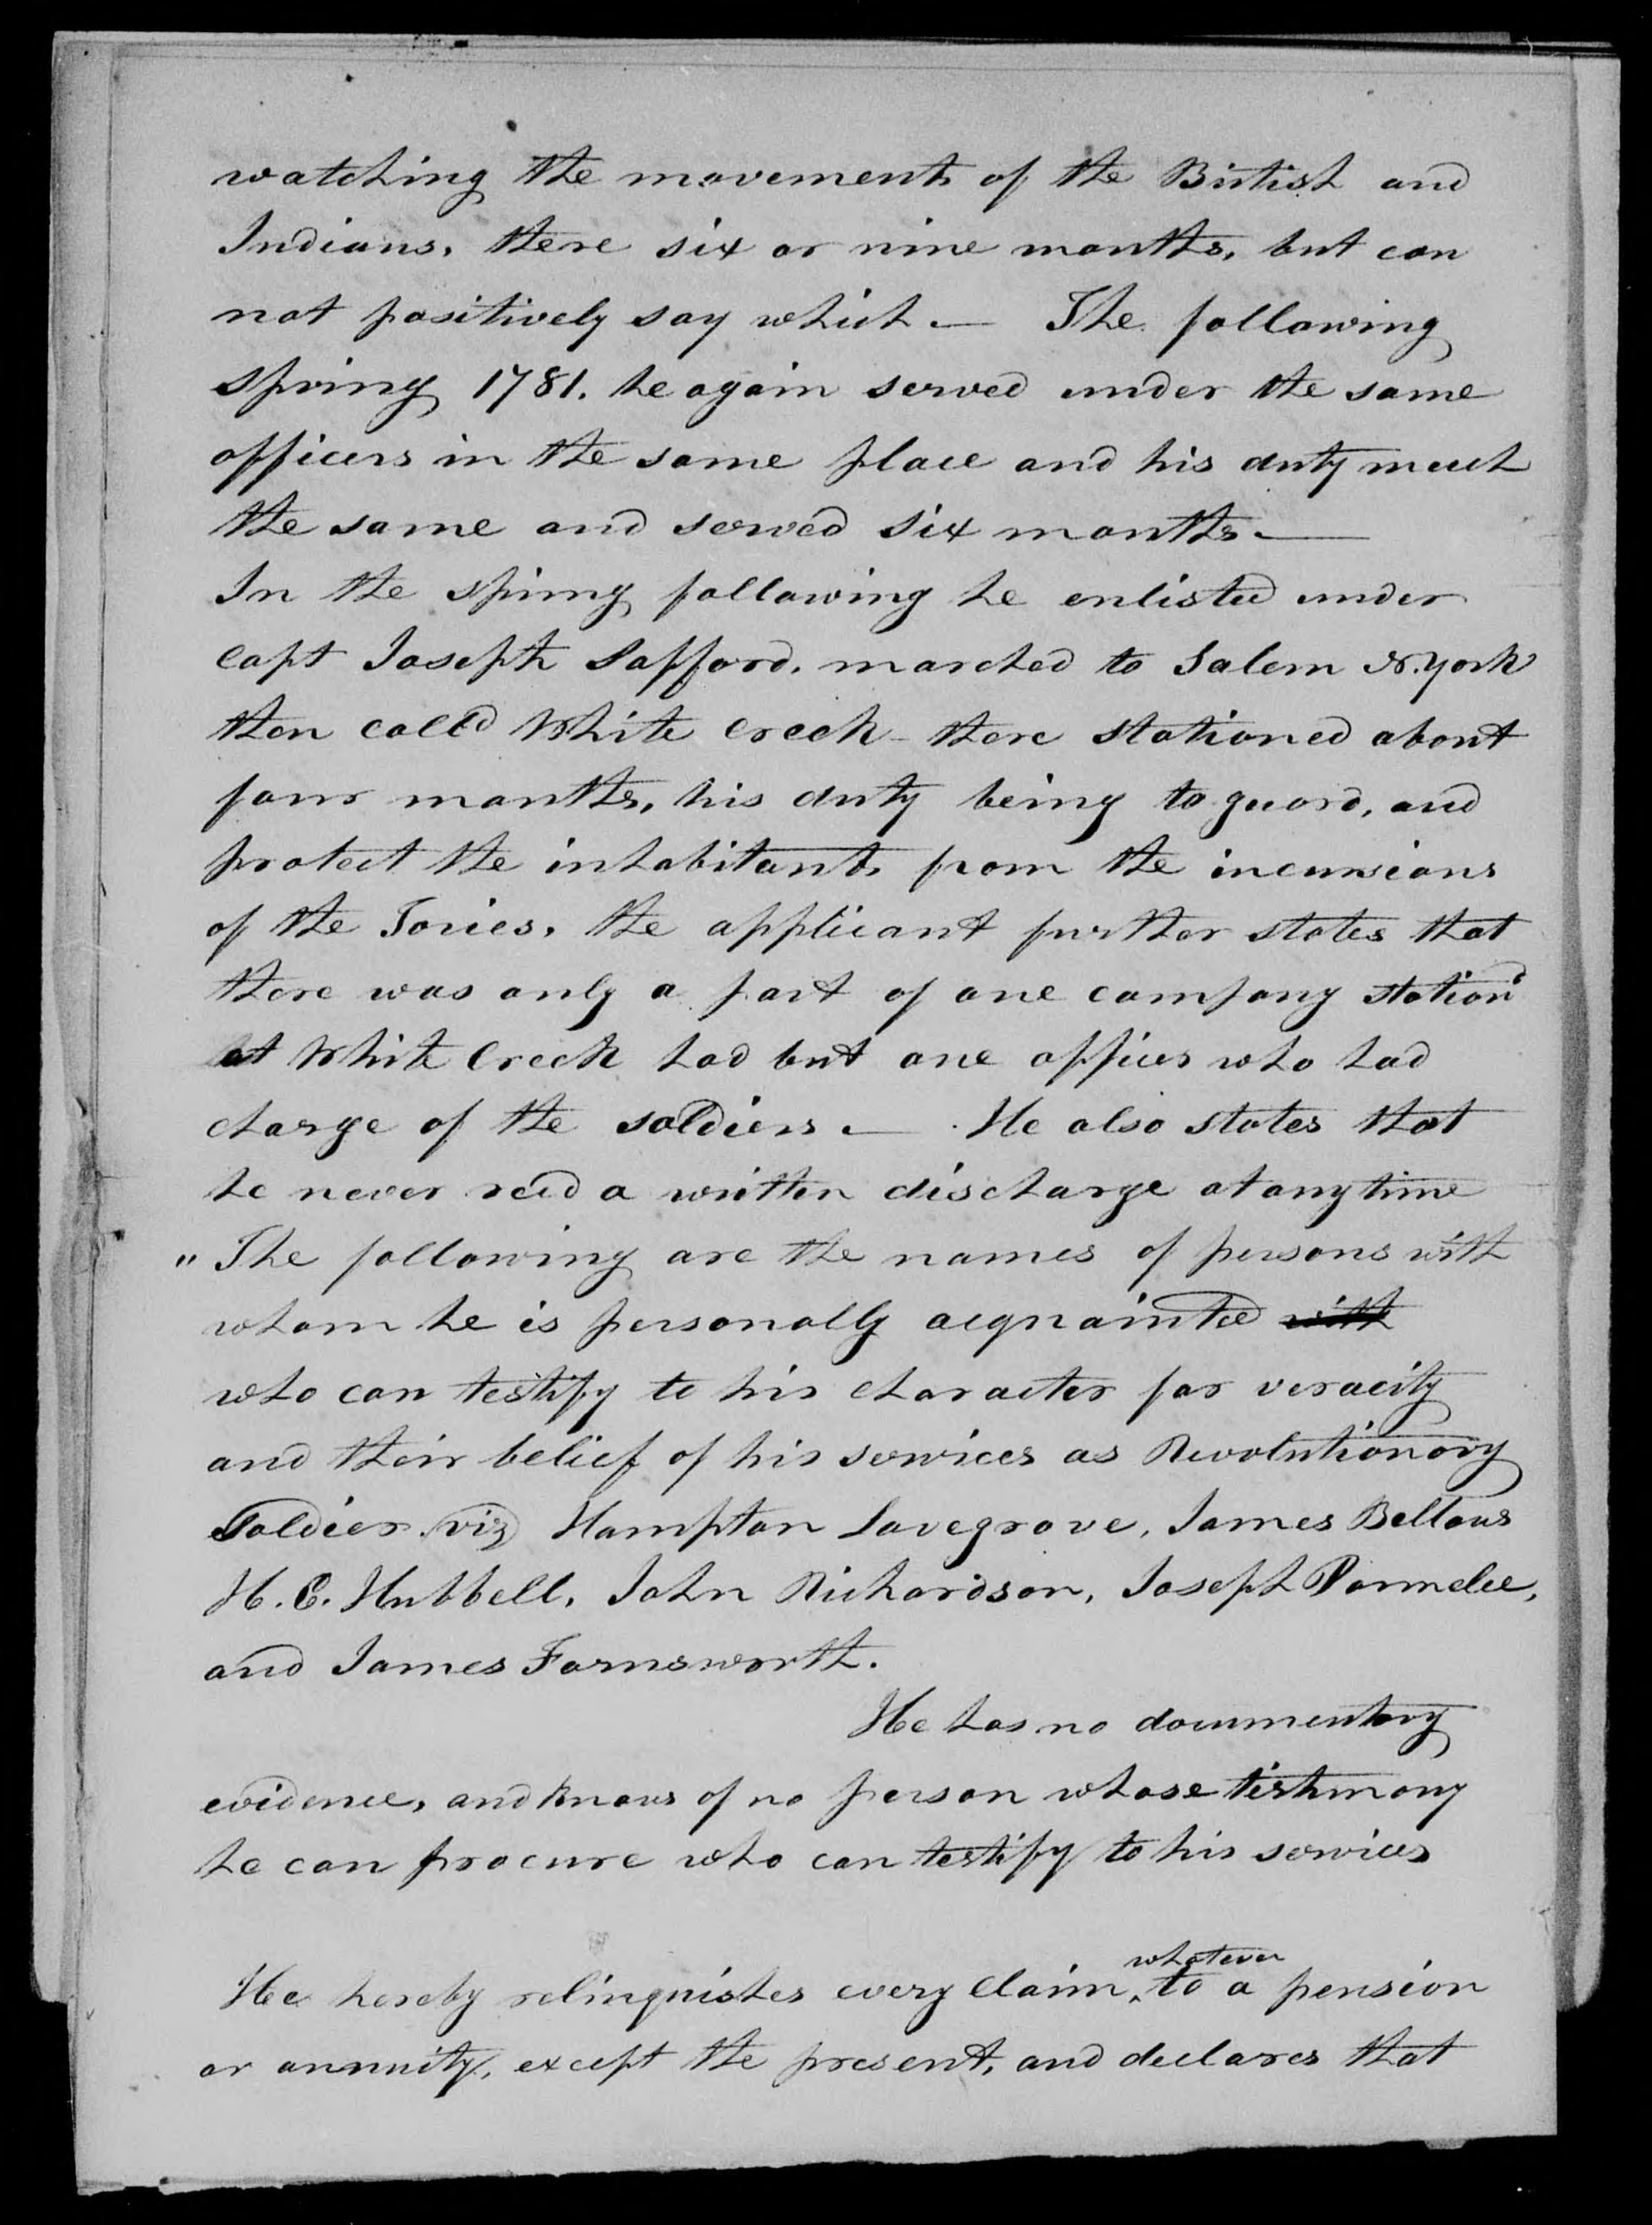watching the movement of the British and Indians, there six or nine months, but can not positively say which. The following spring, 1781, he again served under the same officers in the same place and his duty much the same and served six months.

In the spring following he enlisted under Capt Joseph Safford, marched to Salem N. York then calld White Creek there stationed about four months, his duty being to guard, and protect the inhabitants from the incursions of the Tories, the appliant further states that there was only a part of one company stationd at White Creek had but one officer who had charge of the soldiers. He also states that he never recd a written discharge at any time

The following are the names of persons with whom he is personally acquainted [crossed out "with"] who can testify to his character for veracity and their belief of his services as Revolutionary Soldier. viz Hampton Lovegrove, James Bellons, H. C. Hubbell, John Richardson, Joseph Parmelee, and James Farnsworth.

He has no documentary evidence, and knows of no person whose testimony he can secure who can testify to his services

He hereby relinquishes every claim ^whatever to a pension or annuity, except the present, and declares that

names: James Bellons, Joseph Parmelee, Joseph Safford, John Richardson, James Farnsworth, H E Hubbell, Hampton Lovegrove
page: 9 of 72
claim: widow's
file: W. 7771, Stephen Holmes, Vt.